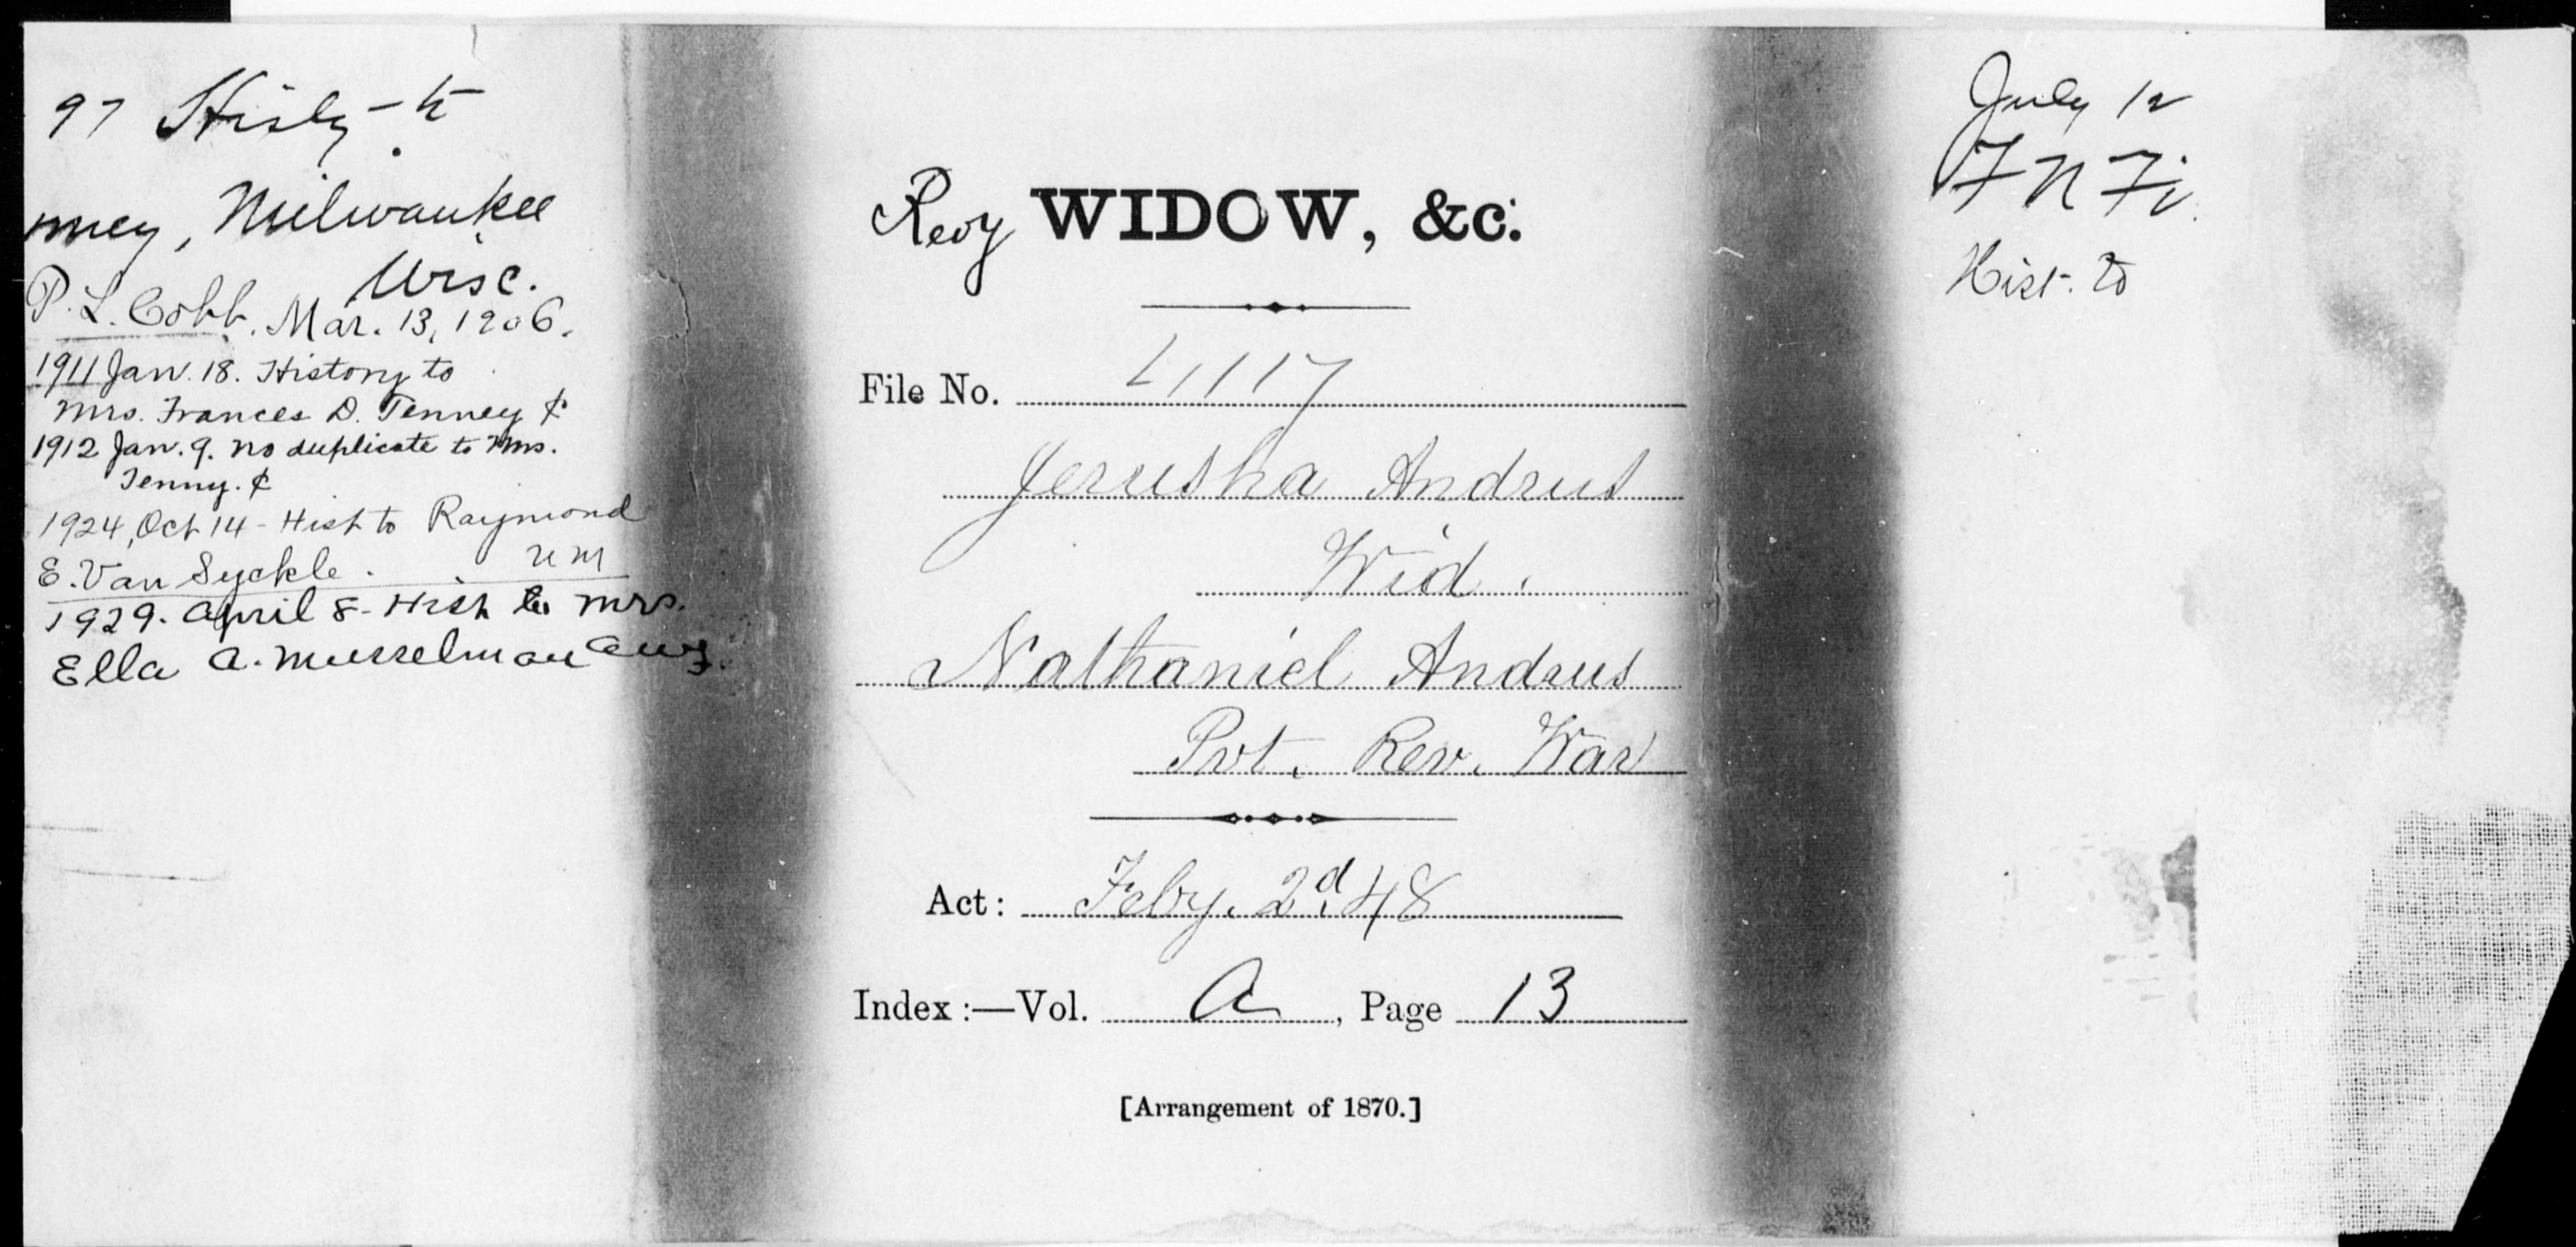97 Histy - h -
mey, Milwaukee
Wisc.
P. L. Cobb, Mar. 13, 1906.
1911 Jan. 18. History to
Mrs. Frances D. Tenney &
1912 Jan. 9. No duplicate to Mrs.
Tenny. &
1924, Oct 14 - Hist to Raymond
E. Van Sickle UM
1929. April 8. Hist to Mrs
Ella A. Musselman any
Revy WIDOW, &c.
File No. L1117
Jerusha Andrews
Wid.
Nathaniel Andrews
Prit Rev. War
Act: Feby, 2d, 48
Index:--Vol. A, Page 13
[Arrangement of 1870.]
July 12
FNFi
Hist to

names: Raymond E Van Syckle, P L Cobb, Jerusha Andrus, Frances D Tenney, Nathaniel Andrus, Ella A Musselman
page: 20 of 78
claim: widow's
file: W. 4117, Nathaniel Bradley, Conn.